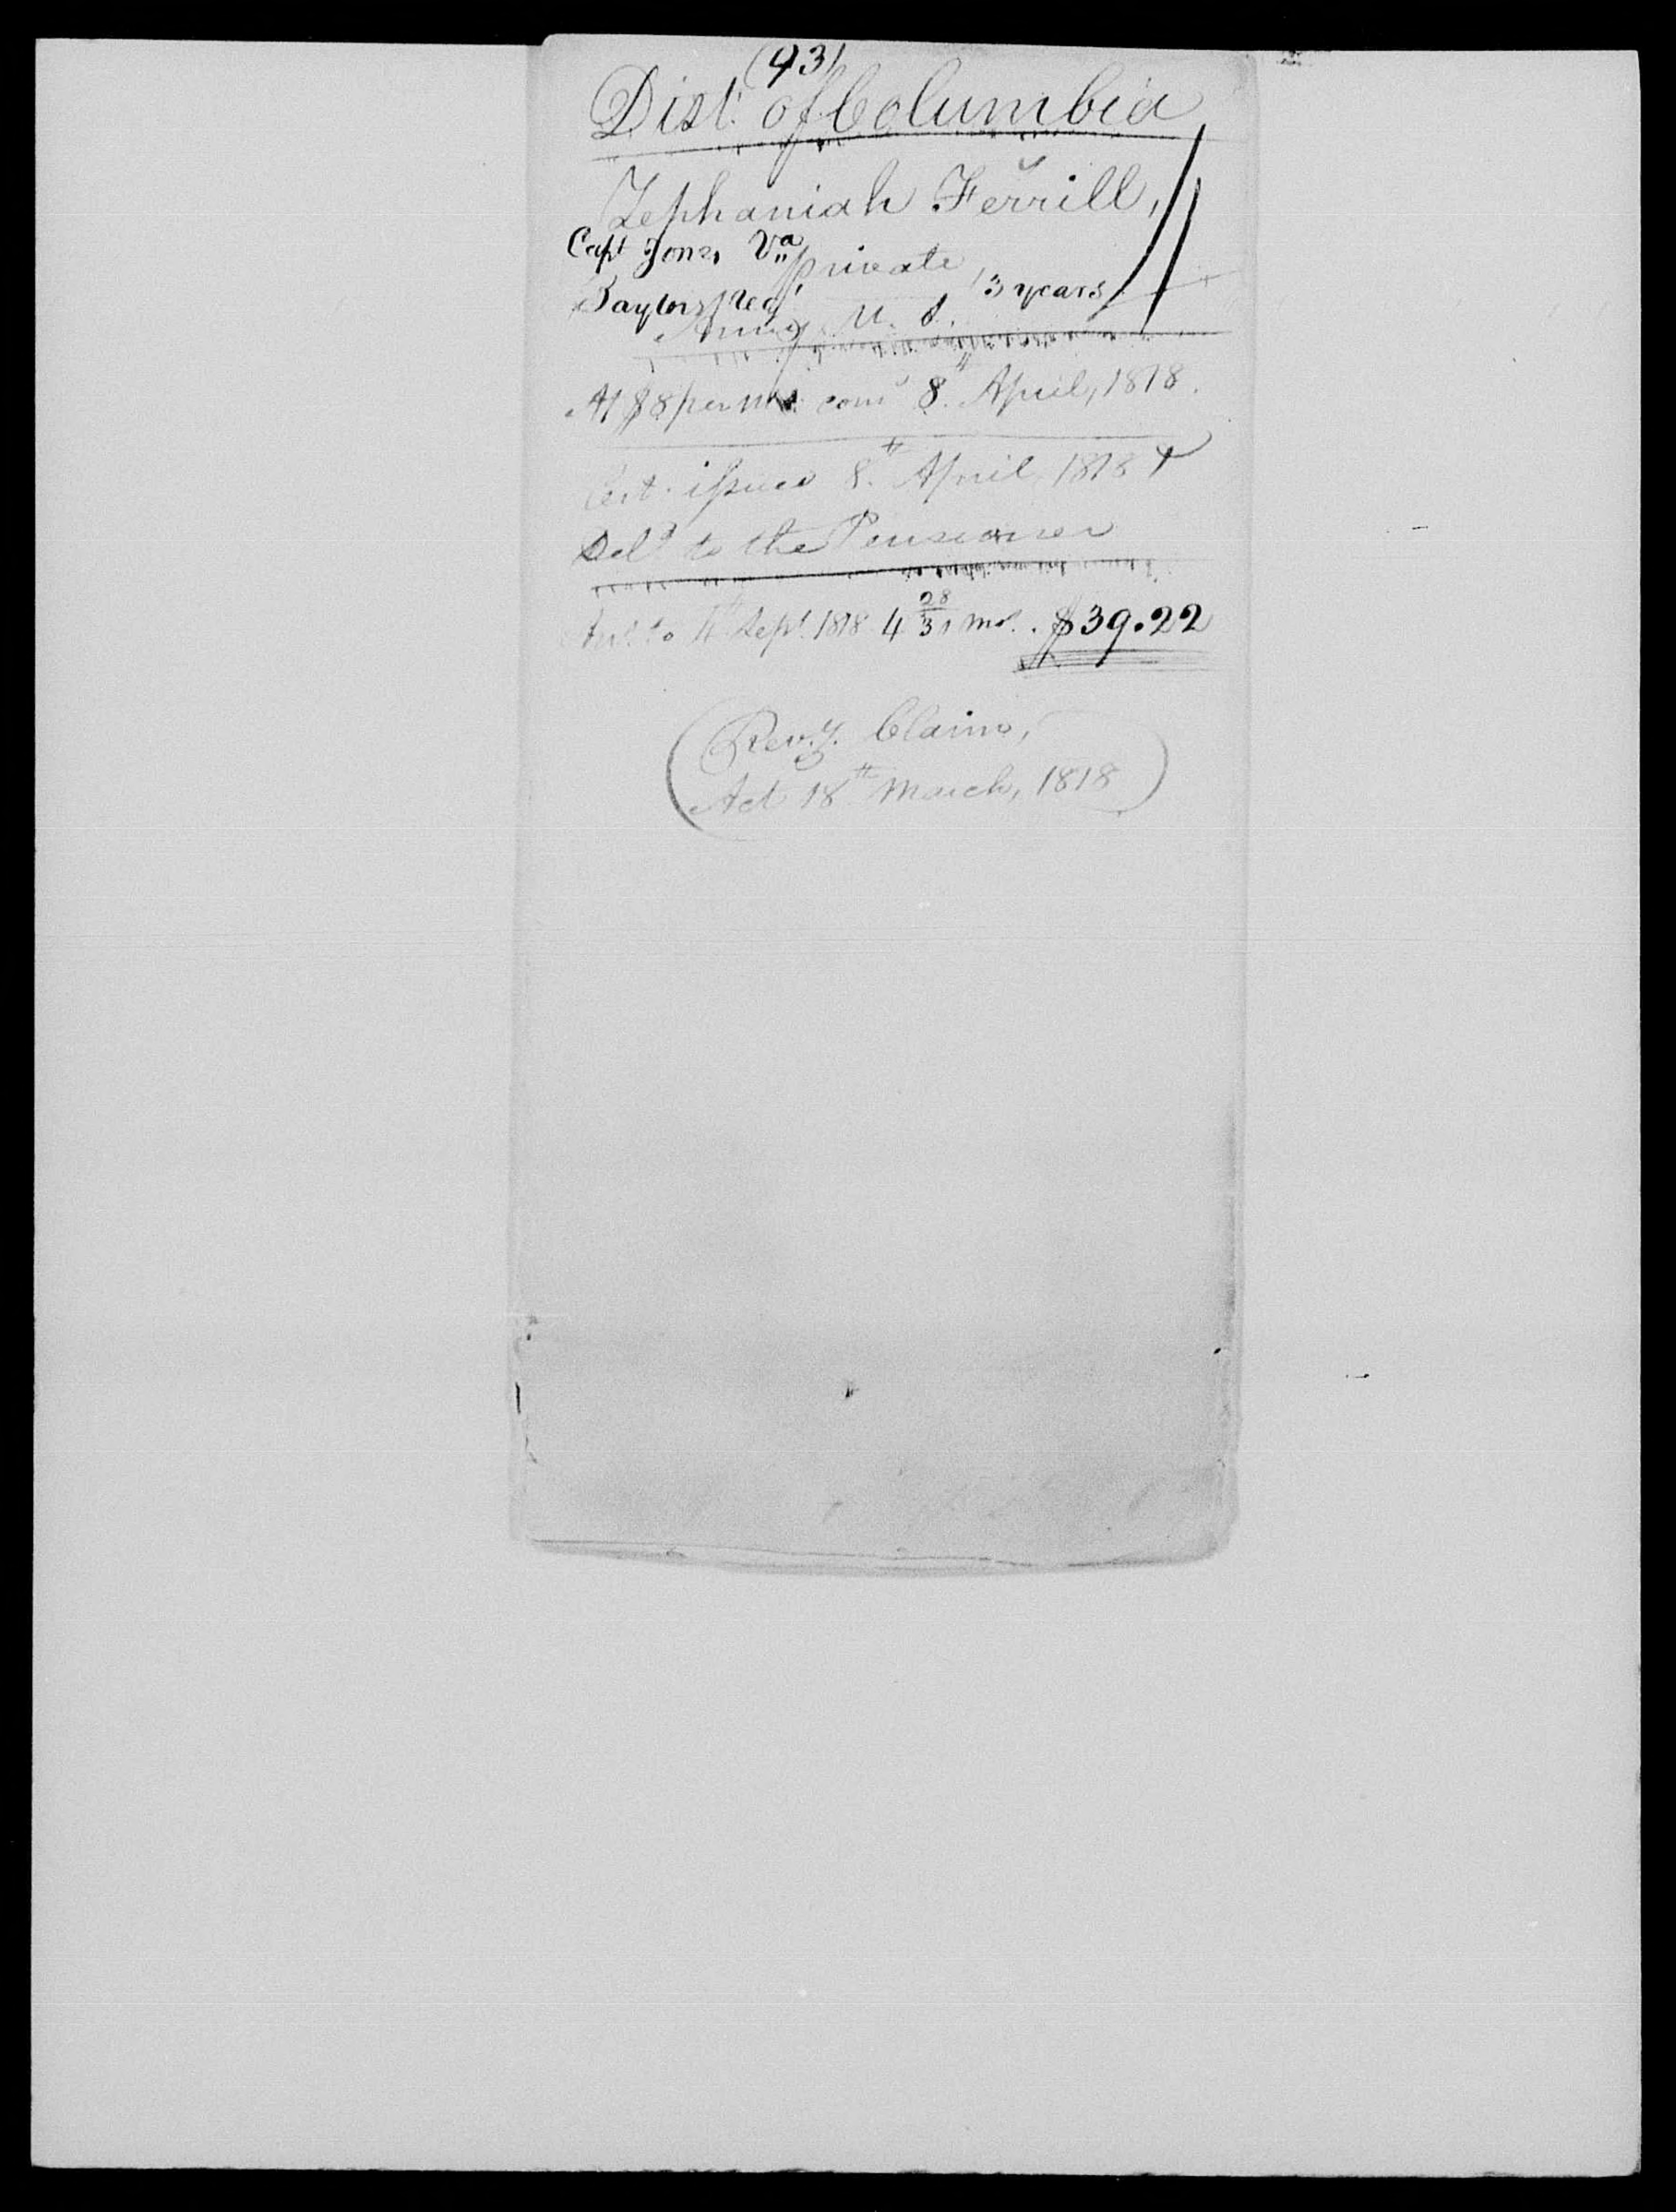Dist. of Columbia
Zephaniah Ferrill, Private, 3 years
Capt. Jones, VA  Baylor's Reg.

At $8 per m. com. 8th April, 1818.
Cert. issued 8th April, 1818
Sell to the Pensioner
Arr. to 11th Sept. 1818 4 [unintelligible] $39.22

(Rev'y. Claim,
Act 18th March, 1818)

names: Zephaniah Ferrill, Jones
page: 2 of 12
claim: survivor's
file: S. 35928, Zephaniah Ferrill, Cont. (Va)